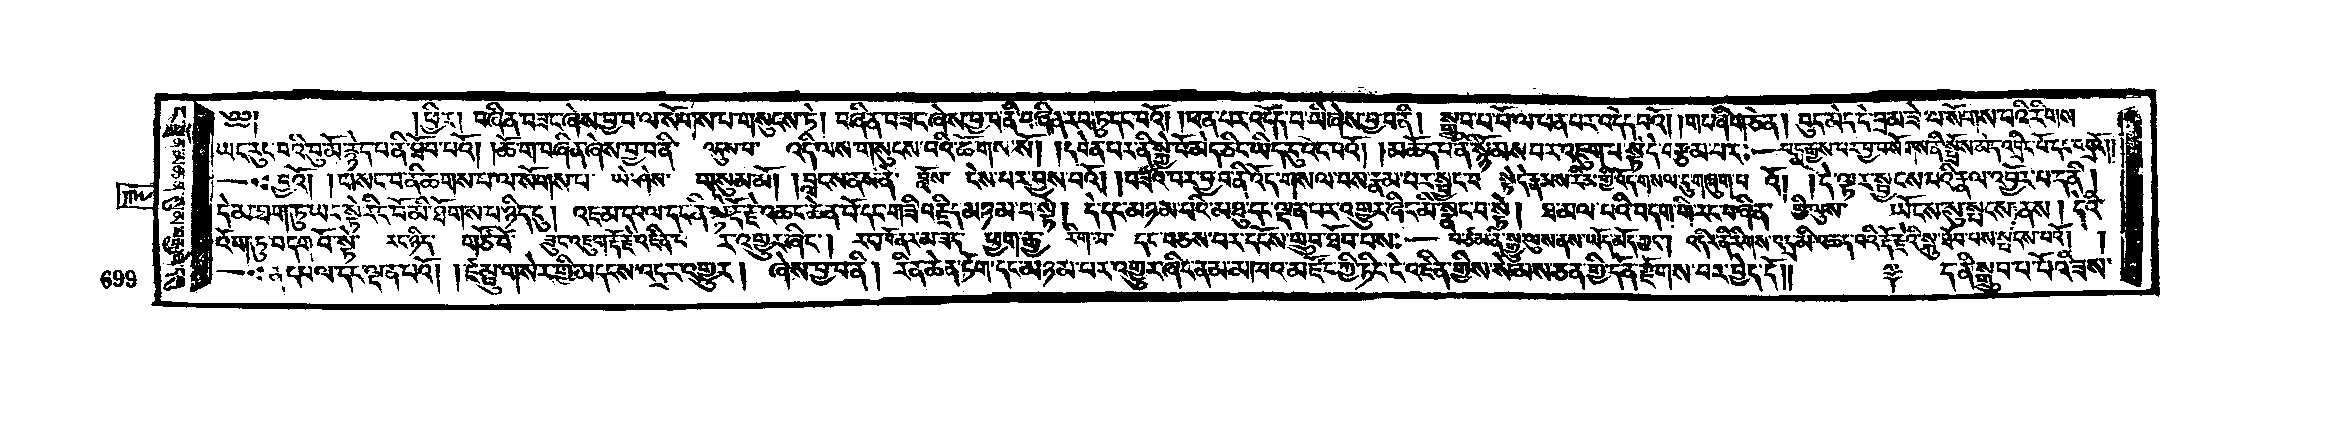༄༅། །ཕྱིར། བཞིན་བཟང་ཞེས་བྱ་བ་ལ་སོགས་པ་གསུངས་ཏེ། བཞིན་བཟང་ཞེས་བྱ་བ་ནི་བཞིན་རབ་ཏུ་དང་པའོ། །ཕན་པར་འདོད་པ་ཡི་ཞེས་བྱ་བ་ནི། སྒྲུབ་པ་པོ་ལ་ཕན་པར་འདོད་པའོ། །གང་ཞིག་ཅེ་ན། བུད་མེད་དེ་བྲམ་ཟེ་ལ་སོགས་པའི་རིགས་གང་
ཡང་རུང་བའི་བུ་མོ་རྙེད་པ་ནི་ཐོབ་པའོ། །ཆོ་ག་བཞིན་ཞེས་བྱ་བ་ནི་འདུས་པ་འདི་ལས་གསུངས་པའི་ཆོ་གས་སོ། །དབེན་པར་ནི་སྐྱེ་བོ་མེད་ཅིང་ཡིད་དུ་འོང་བའོ། །མཆོད་པ་ནི་སྙོམས་པར་འཇུག་པ་སྟེ་དེ་བརྩམ་པརཿ་པདམ་རྒྱས་པར་བྱ་བ་སོགས་ནི་སྤྲོས་མེད་འབྲིང་པོ་དང་འདྲའོ།།
.Hབྱའོ། །གསང་བ་ནི་ཆགས་པ་ལ་སོགས་པ་ཡེ་ཤེས་གསུམ་མོ། །བླངས་ནས་ནི་བློས་ངེས་པར་བྱས་པའོ། །བཟའ་བར་བྱ་བ་ནི་འོད་གསལ་བས་རྣམ་པར་སྦྱང་བ་སྟེ་དེ་རྣམས་རིམ་གྱི་འོད་གསལ་དུ་གཞུག་པའོ། །དེ་ལྟར་སྦྱངས་པའི་རྣལ་འབྱོར་པ་དེ་ནི།
དེ་མ་ཐག་ཏུ་ཡང་སྟེ་རིང་པོ་མི་ཐོགས་པ་ཉིད་དུ། འཇམ་དཔལ་དང་ནི་སྟེ་རྡོ་རྗེ་འཆང་ཆེན་པོ་དང་གཟི་བརྗིད་མཉམ་པ་སྟེ། དེ་དང་མཉམ་པའི་མཐུ་དང་ལྡན་པར་འགྱུར་ཞིང་མི་སྣང་བ་སྟེ། ཐ་མལ་པའི་བདག་གི་རང་བཞིན་གྱི་ལུས་ཡོངས་སུ་སྤངས་ནས། དེའི་
འོག་ཏུ་བདག་པོ་སྟེ་རང་ཉིད་གཙོ་བོ་ཟུང་འཇུག་རྡོ་རྗེ་འཛིན་པར་འགྱུར་ཞིང་། རང་ཁོ་ནར་མ་ཟད་ཕྱག་རྒྱ་རིག་མ་དང་བཅས་པར་དངོས་གྲུབ་ཐོབ་པསཿ་པ་ཙམ་ནི་སྒྱུ་ལུས་ནས་ཡོད་མོད་ཀྱང་། འདིར་ནི་རིགས་འདྲ་མི་འཆད་པའི་རྡོ་རྗེའི་སྐུ་ཐོབ་པས་སྤངས་པའོ། །
.Hན་དཔལ་དང་ལྡན་པའོ། །ཛམྦུ་གསེར་གྱི་མདངས་འདྲར་འགྱུར། ཞེས་བྱ་བ་ནི། རིན་ཆེན་ཏོག་དང་མཉམ་པར་འགྱུར་ཞིང་ནམ་མཁའ་མཛོད་ཀྱི་ཏིང་ངེ་འཛིན་གྱིས་སེམས་ཅན་གྱི་དོན་རྫོགས་པར་བྱེད་དོ།། ༈ ད་ནི་སྒྲུབ་པ་པོའི་ཟས་